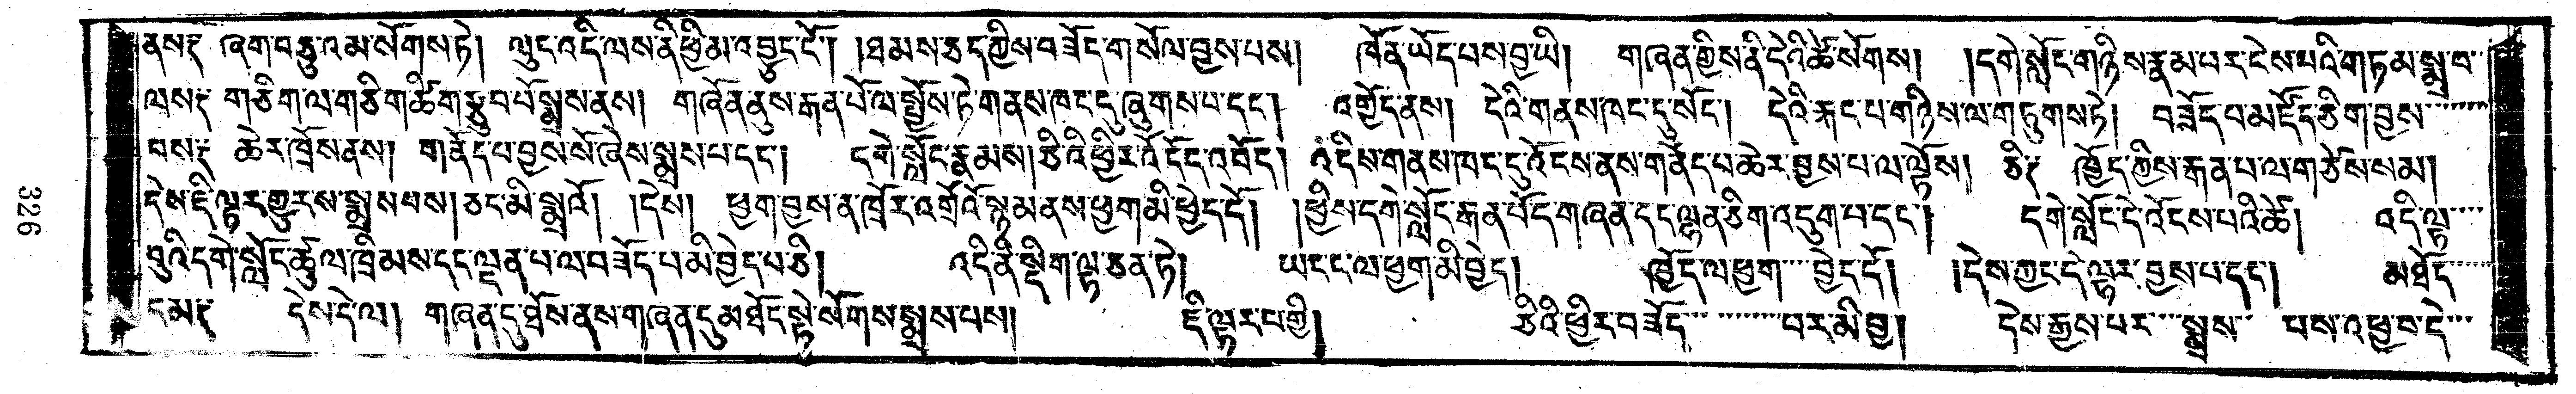ནས༑ ཞག་བཅུ་འམ་སོགས་ཏེ། ལུང་འདི་ལས་ནི་ཕྱི་མ་འབྱུང་ངོ།། ཐམས་ཅད་ཀྱིས་བཟོད་གསོལ་བྱས་པས། ཁོན་ཡོད་པས་བྱ་ཡི། གཞན་གྱིས་ནི་དེའི་ཚེ་སོགས། །དགེ་སློང་གཉིས་རྣམ་པར་ངེས་པའི་གཏམ་སྨྲ་བ་
ལས༑ གཅིག་ལ་གཅིག་ཚིག་རྩུབ་པོ་སྨྲས་ནས། གཞོན་ནུས་རྒན་པོ་ལ་སྤྱོས་ཏེ་གནས་ཁང་དུ་ཞུགས་པ་དང་། འགྱོད་ནས། དེའི་གནས་ཁང་དུ་སོང་། དེའི་རྐང་པ་གཉིས་ལ་གཏུགས་ཏེ། བཟོད་པ་མཛོད་ཅིག་བྱས་
བས༑ ཆེར་ཁྲོས་ནས། གནོད་པ་བྱས་སོ་ཞེས་སྨྲས་པ་དང་། དགེ་སློང་རྣམས། ཅིའི་ཕྱིར་འོ་དོད་འབོད། འདིས་གནས་ཁང་དུ་འོངས་ནས་གནོད་པ་ཆེར་བྱས་པ་ལ་ལྟོས། ཅི༑ ཁྱོད་ཀྱིས་རྒན་པ་ལ་གཙེས་སམ།
དེས་ཇི་ལྟར་གྱུར་ས་སྨྲས་པས། ཅང་མི་སྨྲའོ། །དེས། ཕྱག་བྱས་ན་ཁྲོར་འགྲོའོ་སྙམ་ནས་ཕྱག་མི་ཕྱེད་དོ། །ཕྱིས་དགེ་སློང་རྒན་པོ་ད་གཞན་དང་ལྷན་ཅིག་འདུག་པ་དང་། དགེ་སློང་དེ་འོངས་པའི་ཚེ། འདི་ལྟ་
བུའི་དགེ་སློང་ཚུལ་ཁྲིམས་དང་ལྡན་པ་ལ་བཟོད་པ་མི་བྱེད་པ་ཅི། འདི་ནི་སྡིག་ལྟ་ཅན་ཏེ། ཡང་ང་ལ་ཕྱག་མི་བྱེད། ཁྱོད་ལ་ཕྱག་བྱེད་དོ། །དེས་ཀྱང་དེ་ལྟར་བྱས་པ་དང་། མཐོད་
ངམ༑ དེས་དེ་ལ། གཞན་དུ་ཐོས་ནས་གཞན་དུ་མཐོང་སྟེ་སོགས་སྨྲས་པས། ཇི་ལྟར་བགྱི། ཅིའི་ཕྱིར་བཟོད་པར་མི་བྱ། དེས་རྒྱས་པར་སྨྲས་པས་འཕྱ་བ་དེ་